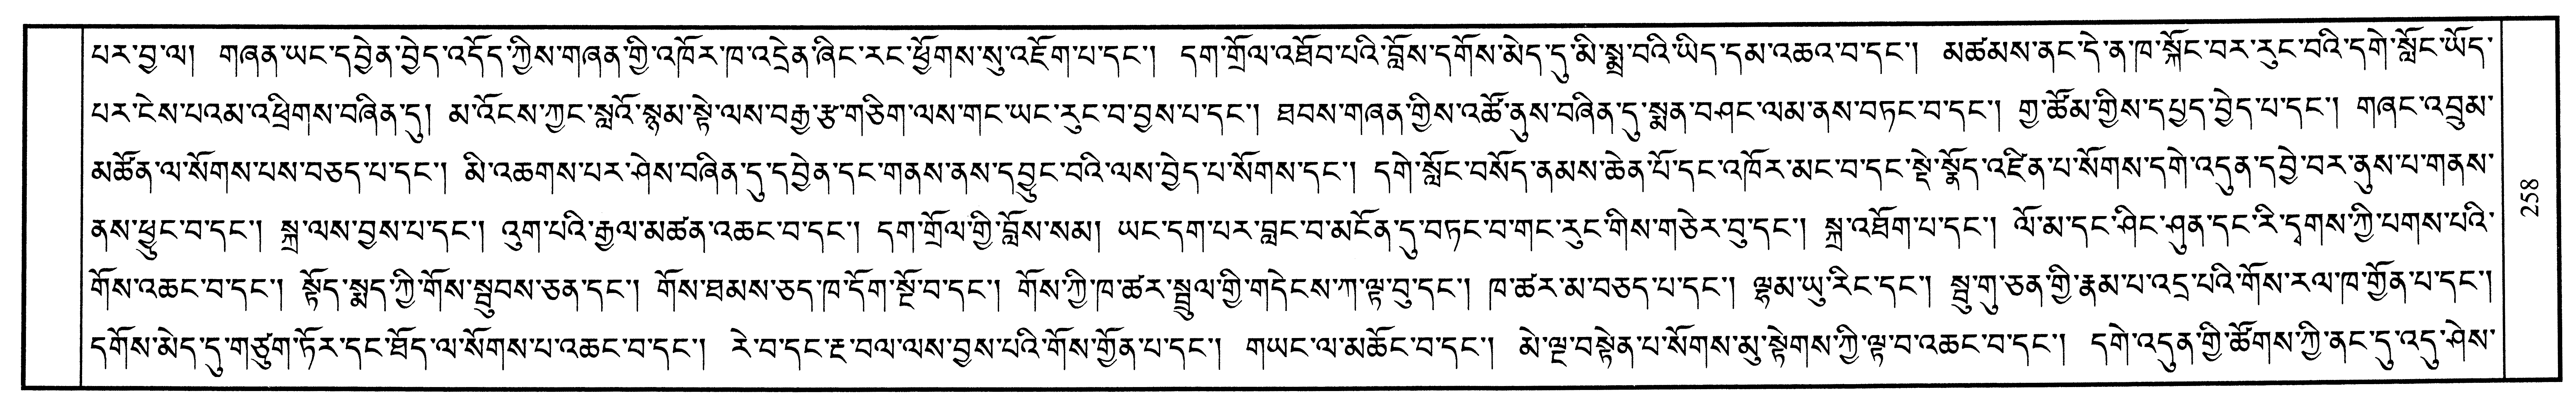པར་བྱ་ལ། གཞན་ཡང་དབྱེན་བྱེད་འདོད་ཀྱིས་གཞན་གྱི་འཁོར་ཁ་འདྲེན་ཞིང་རང་ཕྱོགས་སུ་འཇོག་པ་དང་། དག་གྲོལ་འཐོབ་པའི་བློས་དགོས་མེད་དུ་མི་སྨྲ་བའི་ཡིད་དམ་འཆའ་བ་དང་། མཚམས་ནང་དེ་ན་ཁ་སྐོང་བར་རུང་བའི་དགེ་སློང་ཡོད་
པར་ངེས་པའམ་འཕྲིགས་བཞིན་དུ། མ་འོངས་ཀྱང་སླའོ་སྙམ་དུ་སྟེ་ལས་བརྒྱ་རྩ་གཅིག་ལས་གང་ཡང་རུང་བ་བྱས་པ་དང་། ཐབས་གཞན་གྱིས་འཚོ་ནུས་བཞིན་དུ་སྨན་བཤང་ལམ་ནས་བཏང་བ་དང་། གྱ་ཚོམ་གྱིས་དཔྱད་བྱེད་པ་དང་། གཞང་འབྲུམ་
མཚོན་ལ་སོགས་པས་བཅད་པ་དང་། མི་འཆགས་པར་ཤེས་བཞིན་དུ་དབྱེན་དང་གནས་ནས་དབྱུང་བའི་ལས་བྱེད་པ་སོགས་དང་། དགེ་སློང་བསོད་ནམས་ཆེན་པོ་དང་འཁོར་མང་བ་དང་སྡེ་སྣོད་འཛིན་པ་སོགས་དགེ་འདུན་དབྱེ་བར་ནུས་པ་གནས་
ནས་ཕྱུང་བ་དང་། སྐྲ་ལས་བྱས་པ་དང་། འུག་པའི་རྒྱལ་མཚན་འཆང་བ་དང་། དག་གྲོལ་གྱི་བློས་སམ། ཡང་དག་པར་བླང་བ་མངོན་དུ་བཏང་བ་གང་རུང་གིས་གཅེར་བུ་དང་། སྐྲ་འཐོག་པ་དང་། ལོ་མ་དང་ཤིང་ཤུན་དང་རི་དྭགས་ཀྱི་པགས་པའི་
གོས་འཆང་བ་དང་། སྟོད་སྨད་ཀྱི་གོས་སྦུབས་ཅན་དང་། གོས་ཐམས་ཅད་ཁ་དོག་སྔོ་བ་དང་། གོས་ཀྱི་ཁ་ཚར་སྦྲུལ་གྱི་གདེངས་ཀ་ལྟ་བུ་དང་། ཁ་ཚར་མ་བཅད་པ་དང་། ལྷམ་ཡུ་རིང་དང་། སྦུ་གུ་ཅན་གྱི་རྣམ་པ་འདྲ་པའི་གོས་རལ་ཁ་གྱོན་པ་དང་།
དགོས་མེད་དུ་གཙུག་ཏོར་དང་ཐོད་ལ་སོགས་པ་འཆང་བ་དང་། རེ་བ་དང་རྔ་བལ་ལས་བྱས་པའི་གོས་གྱོན་པ་དང་། གཡང་ལ་མཆོང་བ་དང་། མེ་ལྔ་བསྟེན་པ་སོགས་མུ་སྟེགས་ཀྱི་ལྟ་བ་འཆང་བ་དང་། དགེ་འདུན་གྱི་ཚོགས་ཀྱི་ནང་དུ་འདུ་ཤེས་